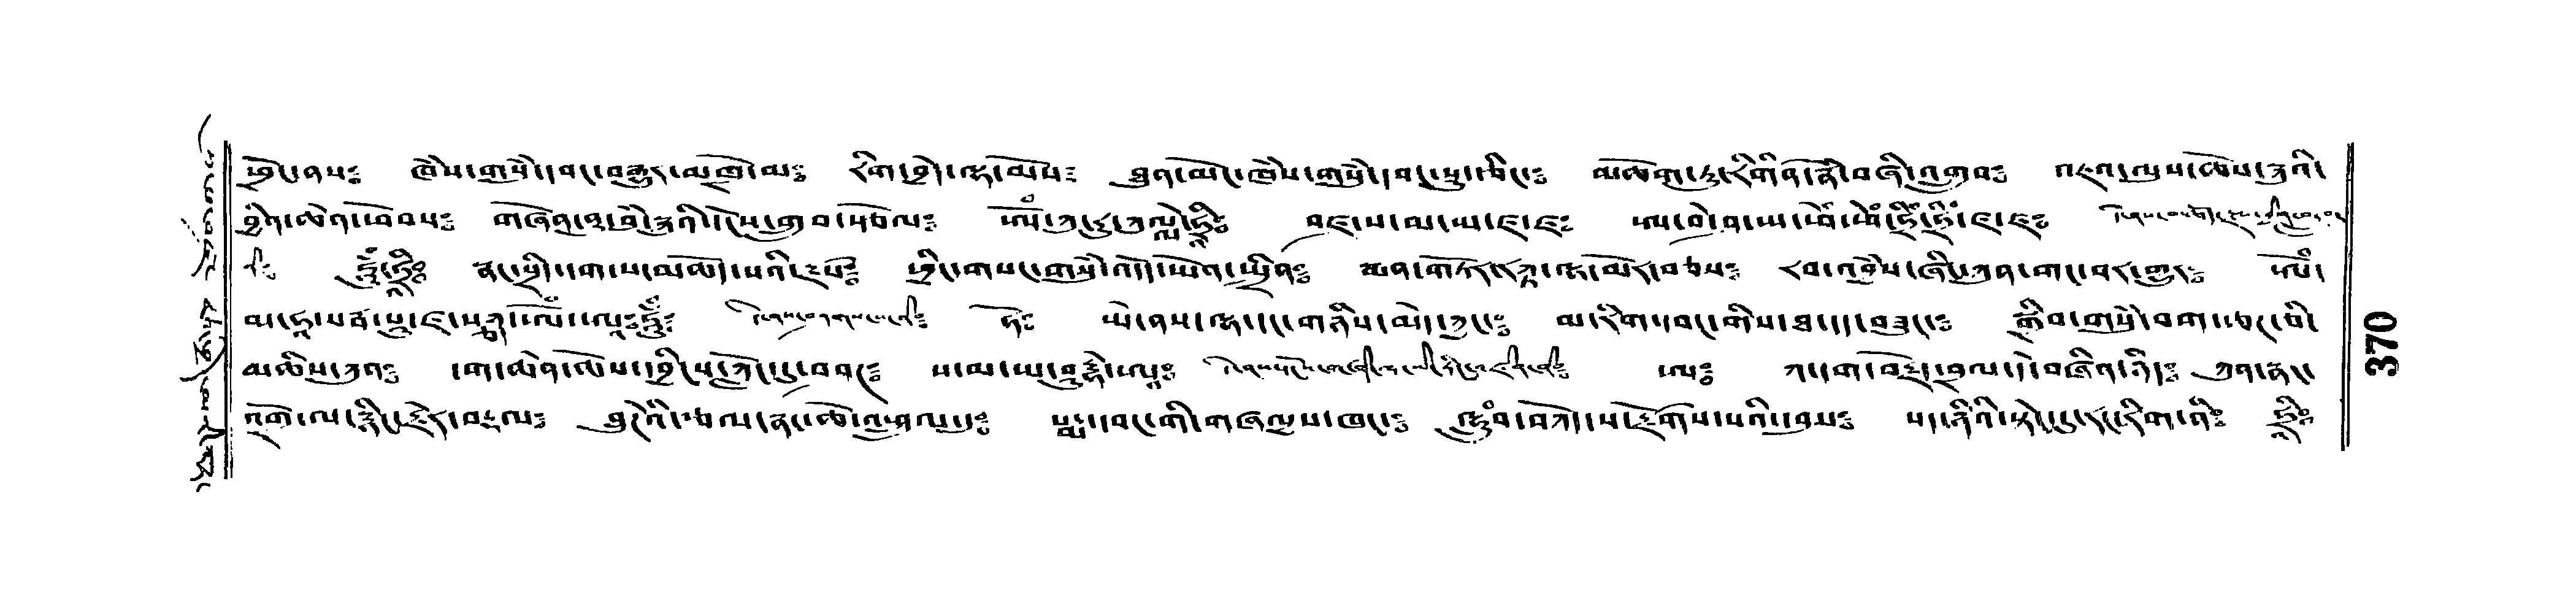ཕོ་བྲང་ནས༔ ཁམས་གསུམ་དབང་བསྒྱུར་མཁའ་འགྲོ་མ༔ རིག་བྱེད་ལྷ་མོས༴ ཐུན་མོང་ཁམས་གསུམ་དབང་སྡུད་ཅིང༔མཆོག་ཏུ་རིག་འཛིན་རྣམ་བཞི་འགྲུབ༔ འཇའ་ལུས་ཆོས་སྐུའི་
བྱིན་ཆེན་ཕོབས༔ གཞོན་ནུ་བུམ་སྐུའི་དངོས་གྲུབ་སྩོལ༔ ཨོཾ་ཀུ་རུ་ཀུལླེ་ཧྲཱིཿ བཛྲ་ས་མ་ཡ་ཛ་ཛཿ ཨ་བེ་ཤ་ཡ་ཕེཾ་ཕེཾ་ཧྲིཾ་ཧྲིཾ་ཛ་ཛཿ དེ་ནས་མཆོད་རྫས་བྱིན་བརླབ་
ནི༔ ཧཱུྃ་ཧྲཱིཿ སྣང་སྲིད་དག་པ་མཆོད་པའི་རྫས༔ ཕྱི་ནང་གསང་གསུམ་འདོད་ཡོན་སྤྲིན༔ སྨན་གཏོར་རཀྟ་ལྷ་མོར་བཅས༔ རབ་འབྱམས་ཞིང་ཀུན་གང་བར་གྱུར༔ ཨོཾ་
མ་ཧཱ་སརྦ་པཱུ་ཛ་པཉྩ་ཨོཾ་ཨཱཿཧཱུྃ༔ དེ་ནས་བཤགས་པ་ནི༔ ཧོཿ ཡེ་ནས་ལྷ་དང་གཉིས་མེད་ཀྱང༔ མ་རིག་དབང་གིས་ཐ་དད་བཟུང༔ སྒྲིབ་གསུམ་བག་ཆགས་ཅི་
མཆིས་ཀུན༔ དག་ཆེན་ཆོས་དབྱིངས་ཀློང་དུ་བཤགས༔ ས་མ་ཡ་ཤུདྡྷེ་ཨཱཿ དེ་ནས་དངོས་གཞི་ལྷ་ཡི་ཏིང་འཛིན་ནི༔ ཨཱཿ ཀ་དག་བརྗོད་བྲལ་དེ་བཞིན་ཉིད༔ ཀུན་སྣང་
འགྲོ་ལ་སྙིང་རྗེར་བརྡལ༔ ཐུགས་རྗེའི་རྩལ་སྣང་ཆོ་འཕྲུལ་དུ༔ པདྨ་དབང་གི་གཞལ་ཡས་ཁང༔ ལྷུན་གྲུབ་བཀོད་པ་རྫོགས་པའི་དབུས༔ པད་ཉིའི་སྟེང་དུ་རང་རིག་ནི༔ ཧྲཱིཿ